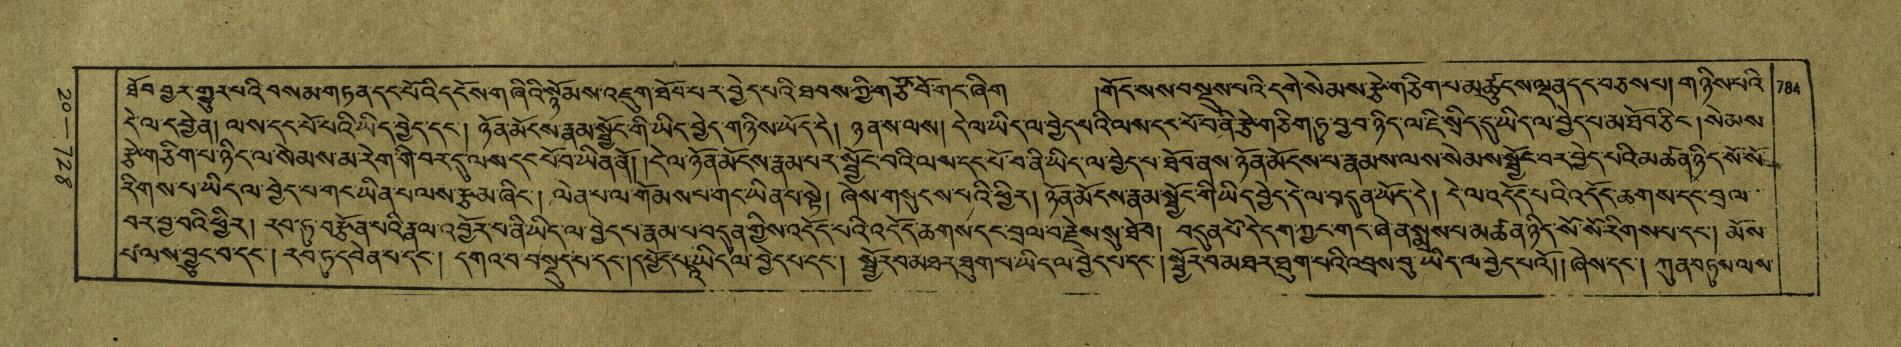ཐོབ་བྱར་གྱུར་པའི་བསམ་གཏན་དང་པོའི་དངོས་གཞིའི་སྙོམས་འཇུག་ཐོབ་པར་བྱེད་པའི་ཐབས་ཀྱི་གཙོ་བོ་གང་ཞིག །གོང་སས་བསྡུས་པའི་དགེ་སེམས་རྩེ་གཅིག་པ་མཚུངས་ལྡན་དང་བཅས་པ། གཉིས་པའི་
དེ་ལ་དབྱེ་ན། ལས་དང་པོ་པའི་ཡིད་བྱེད་དང་། ཉོན་མོངས་རྣམ་སྦྱོང་གི་ཡིད་བྱེད་གཉིས་ཡོད་དེ། ཉན་ས་ལས། དེ་ལ་ཡིད་ལ་བྱེད་པའི་ལས་དང་པོ་ནི་རྩེ་གཅིག་ཏུ་བྱ་བ་ཉིད་ལ་ཇི་སྲིད་དུ་ཡིད་ལ་བྱེད་པ་མ་ཐོབ་ཅིང་། སེམས་
རྩེ་གཅིག་པ་ཉིད་ལ་སེམས་མ་རེག་གི་བར་དུ་ལས་དང་པོ་བ་ཡིན་ནོ། །དེ་ལ་ཉོན་མོངས་རྣམ་པར་སྦྱོང་བའི་ལས་དང་པོ་བ་ནི་ཡིད་ལ་བྱེད་པ་ཐོབ་ནས་ཉོན་མོངས་པ་རྣམས་ལས་སེམས་སྦྱོང་བར་བྱེད་པའི་མཚན་ཉིད་སོ་སོ་
རིགས་པ་ཡིད་ལ་བྱེད་པ་གང་ཡིན་པ་ལས་རྩམ་ཞིང་། ལེན་པ་ལ་གོམས་པ་གང་ཡིན་པ་སྟེ། ཞེས་གསུངས་པའི་ཕྱིར། ཉོན་མོངས་རྣམ་སྦྱོང་གི་ཡིད་བྱེད་དེ་ལ་བདུན་ཡོད་དེ། དེ་ལ་འདོད་པའི་འདོད་ཆགས་དང་བྲལ་
བར་བྱ་བའི་ཕྱིར། རབ་ཏུ་བརྩོན་པའི་རྣལ་འབྱོར་པ་ནི་ཡིད་ལ་བྱེད་པ་རྣམ་པ་བདུན་གྱིས་འདོད་པའི་འདོད་ཆགས་དང་བྲལ་བ་རྗེས་སུ་ཐོབ། བདུན་པོ་དེ་དག་ཀྱང་གང་ཞེ་ན་སྨྲས་པ་མཚན་ཉིད་སོ་སོ་རིགས་པ་དང་། མོས་
པ་ལས་བྱུང་བ་དང་། རབ་ཏུ་དབེན་པ་དང་། དགའ་བ་བསྡུད་པ་དང་། སྤྱོད་པའི་ཡིད་ལ་བྱེད་པ་དང་། སྦྱོར་བ་མཐར་ཐུག་པ་ཡིད་ལ་བྱེད་པ་དང་། སྦྱོར་བ་མཐར་ཐུག་པའི་འབྲས་བུ་ཡིད་ལ་བྱེད་པའོ། །ཞེས་དང་། ཀུན་བཏུས་ལས་